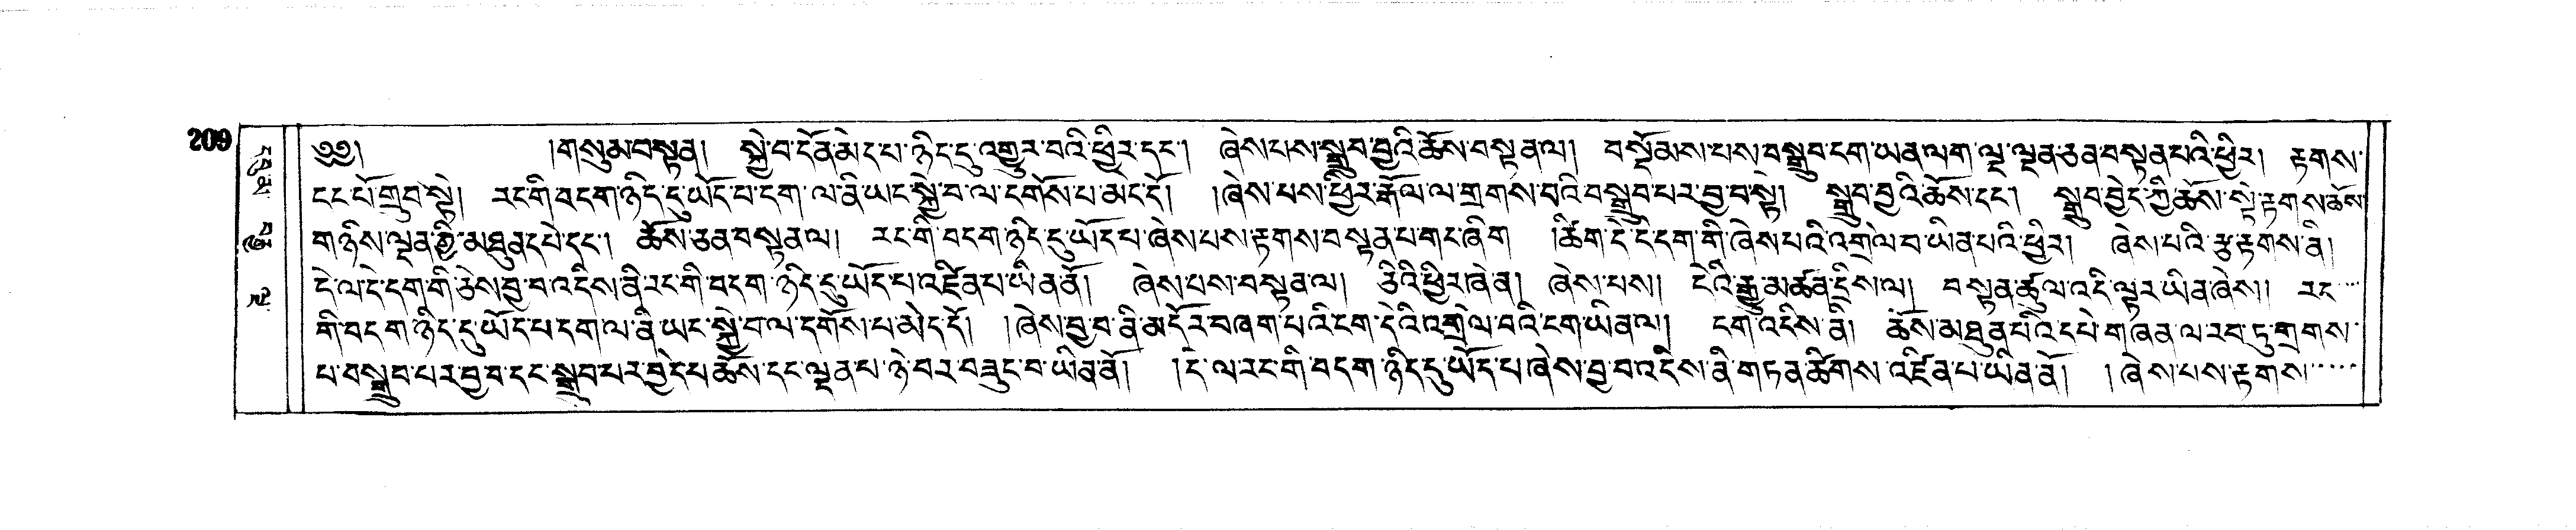༄༅། །གསུམ་བསྟན། སྐྱེ་བ་དོན་མེད་པ་ཉིད་དུ་འགྱུར་བའི་ཕྱིར་དང་། ཞེས་པས་སྒྲུབ་བྱའི་ཆོས་བསྟན་ལ། བསྡོམས་པས་བསྒྲུབ་ངག་ཡན་ལག་ལྔ་ལྡན་ཅན་བསྟན་པའི་ཕྱིར། རྟགས་
དང་པོ་གྲུབ་སྟེ། རང་གི་བདག་ཉིད་དུ་ཡོད་པ་དག་ལ་ནི་ཡང་སྐྱེ་བ་ལ་དགོས་པ་མེད་དོ། །ཞེས་པས་ཕྱིར་རྒོལ་ལ་གྲགས་པའི་བསྒྲུབ་པར་བྱ་བ་སྟེ། སྒྲུབ་བྱའི་ཆོས་དང་། སྒྲུབ་བྱེད་ཀྱི་ཆོས་སྟེ་རྟགས་ཆོས་
གཉིས་ལྡན་གྱི་མཐུན་དཔེ་དང་། ཆོས་ཅན་བསྟན་ལ། རང་གི་བདག་ཉིད་དུ་ཡོད་པ་ཞེས་པས་རྟགས་བསྟན་པ་གང་ཞིག །ཚིག་དེ་དེ་དག་གི་ཞེས་པའི་འགྲེལ་བ་ཡིན་པའི་ཕྱིར། ཞེས་པའི་རྩ་རྟགས་ནི།
དེ་ལ་དེ་དག་གི་ཅེས་བྱ་བ་འདིས་ནི་རང་གི་བདག་ཉིད་དུ་ཡོད་པ་འཛིན་པ་ཡིན་ནོ། ཞེས་པས་བསྟན་ལ། ཅིའི་ཕྱིར་ཞེ་ན། ཞེས་པས། དེའི་རྒྱུ་མཚན་དྲིས་ལ། བསྟན་ཚུལ་འདི་ལྟར་ཡིན་ཞེས། རང་
གི་བདག་ཉིད་དུ་ཡོད་པ་དག་ལ་ནི་ཡང་སྐྱེ་བ་ལ་དགོས་པ་མེད་དོ། །ཞེས་བྱ་བ་ནི་མདོར་བཞག་པའི་ངག་དེའི་འགྲེལ་བའི་ངག་ཡིན་ལ། ངག་འདིས་ནི། ཆོས་མཐུན་པའི་དཔེ་གཞན་ལ་རབ་ཏུ་གྲགས་
པ་བསྒྲུབ་པར་བྱ་བ་དང་སྒྲུབ་པར་བྱེད་པ་ཆོས་དང་ལྡན་པ་ཉེ་བར་བཟུང་བ་ཡིན་ནོ། །དེ་ལ་རང་གི་བདག་ཉིད་དུ་ཡོད་པ་ཞེས་བྱ་བ་འདིས་ནི་གཏན་ཚིགས་འཛིན་པ་ཡིན་ནོ། །ཞེས་པས་རྟགས་